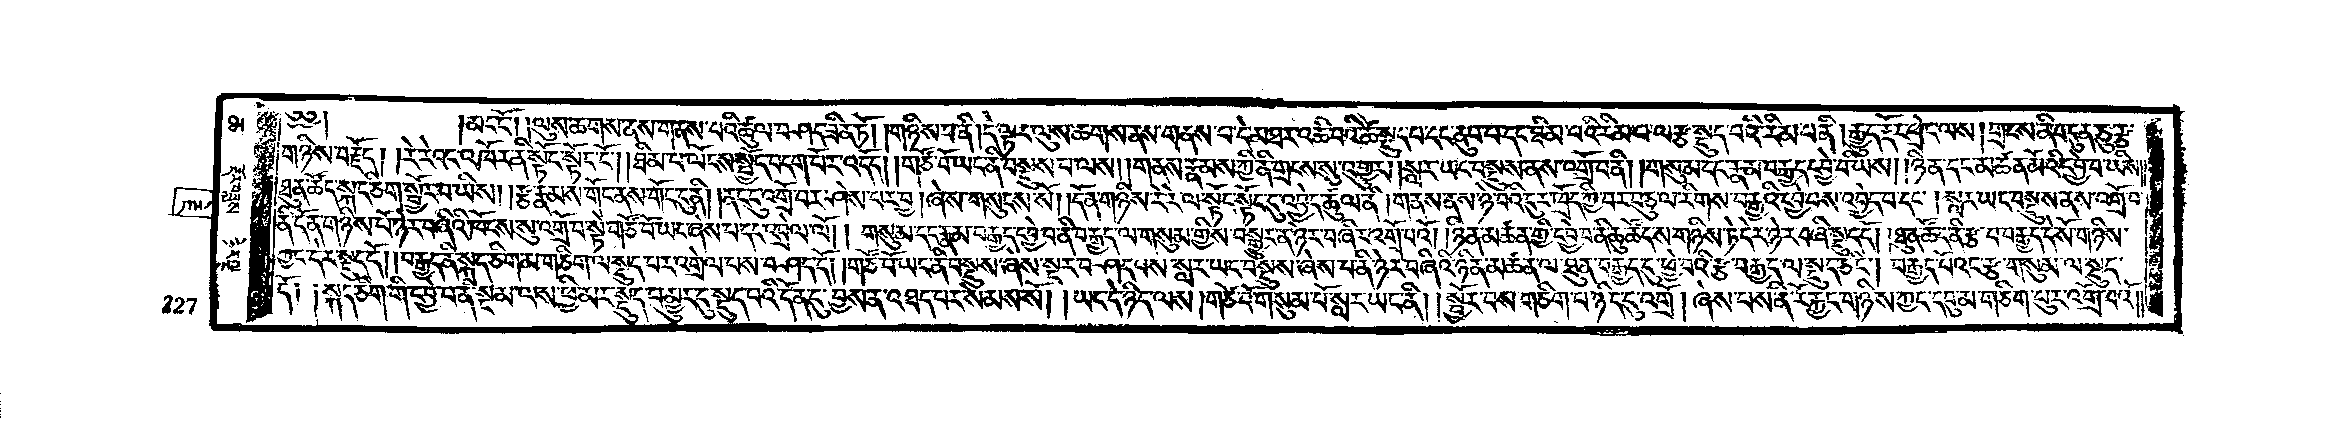༄༅། །མང་ངོ། །ལུས་ཆགས་ནས་གནས་པའི་ཚུལ་བཤད་ཟིན་ཏོ། །གཉིས་པ་ནི། དེ་ལྟར་ལུས་ཆགས་ནས་གནས་པ་དེ་མཐར་འཆི་བའི་ཚེ་སྡུད་པ་དང་ནུབ་པ་དང་ཐིམ་པའི་རིམ་པ་ལ་རྩ་སྡུད་པའི་རིམ་པ་ནི། རྒྱུད་རྡོར་ཕྲེང་ལས། གྲངས་ནི་བདུན་ཅུ་རྩ་
གཉིས་བརྗོད། །རེ་རེའང་འཁོར་ནི་སྟོང་སྟོང་ངོ། །ཐིམ་པ་ལོངས་སྤྱོད་བདག་པོར་འདོད། །གཙོ་བོ་ཡང་ནི་བསྡུས་པ་ལས། །གནས་རྣམས་ཀྱི་ནི་གྲངས་སུ་འགྱུར། །སླར་ཡང་བསྡུས་ནས་འགྲོ་བ་ནི། །གསུམ་དང་རྣམ་བརྒྱད་དབྱེ་བ་ཡིས། །ཉིན་དང་མཚན་མོའི་དབྱེ་བ་ཡིས།
ཐུན་ཚོད་སྐད་ཅིག་སྦྱོར་བ་ཡིས། །རྩ་རྣམས་གོང་ནས་གོང་དུ་ནི། །ནང་དུ་འགྲོ་བར་ཤེས་པར་བྱ། ཞེས་གསུངས་སོ། །དོན་གཉིས་རེ་རེ་ལ་སྟོང་སྟོང་དུ་འབྱེད་ཚུལ་ནི། གནས་ནས་ཉེ་བའི་དུར་ཁྲོད་ཀྱི་བར་བཅུ་ལ་རིགས་བརྒྱའི་དབྱེ་བས་འབྱེད་པ་དང་། སླར་ཡང་བསྡུས་ནས་འགྲོ་བ་
ནི་དོན་གཉིས་པོ་ཉེར་བཞིའི་ཁོངས་སུ་འགྲོ་བ་སྟེ་གཙོ་བོ་ཡང་ཞེས་པ་དང་འབྲེལ་ལོ། །གསུམ་དང་རྣམ་བརྒྱད་དབྱེ་བ་ནི་བརྒྱད་ལ་གསུམ་གྱིས་བསྒྱུར་ནི་ཉེར་བཞིར་འགྲོ་བའོ། །ཉིན་མཚན་གྱི་དབྱེ་བ་ནི་ཆུ་ཚོད་ས་གཉིས་ཏེ་དེར་ཉེར་བཞི་སྡུད་དོ། །ཐུན་ཚོད་ནི་རྩ་བ་བརྒྱད་དེ་སོ་གཉིས་
ཀྱང་དེར་སྡུད་དོ། །བརྒྱད་ནི་སྐད་ཅིག་མ་གཅིག་ལ་སྡུད་པར་འགྲེལ་པས་བཤད་དོ། །གཙོ་བོ་ཡང་ནི་བསྡུས་ཞེས་སྔར་བཤད་པས་སླར་ཡང་བསྡུས་ཞེས་པ་ནི་ཉེར་བཞིའི་ཉིན་མཚན་ལ་ཐུན་བརྒྱད་དུ་ཕྱེ་བའི་རྩ་བརྒྱད་ལ་སྡུད་ཅིང་། བརྒྱད་པོའང་རྩ་གསུམ་ལ་སྡུད་
དོ། །སྐད་ཅིག་གི་དབྱེ་བ་ནི་སྔ་མ་ལས་ཕྱི་མར་སྡུད་པ་མྱུར་དུ་སྡུད་པའི་དོན་དུ་བྱས་ན་འཐད་པར་སེམས་སོ། །ཡང་དེ་ཉིད་ལས། གཙོ་བོ་གསུམ་པོ་སླར་ཡང་ནི། །སྦྱོར་བས་གཅིག་པ་ཉིད་དུ་འགྲོ། ཞེས་པས་ནི་རོ་རྐྱང་གཉིས་ཀྱང་དབུ་མ་གཅིག་པུར་འགྲོ་བའོ།།